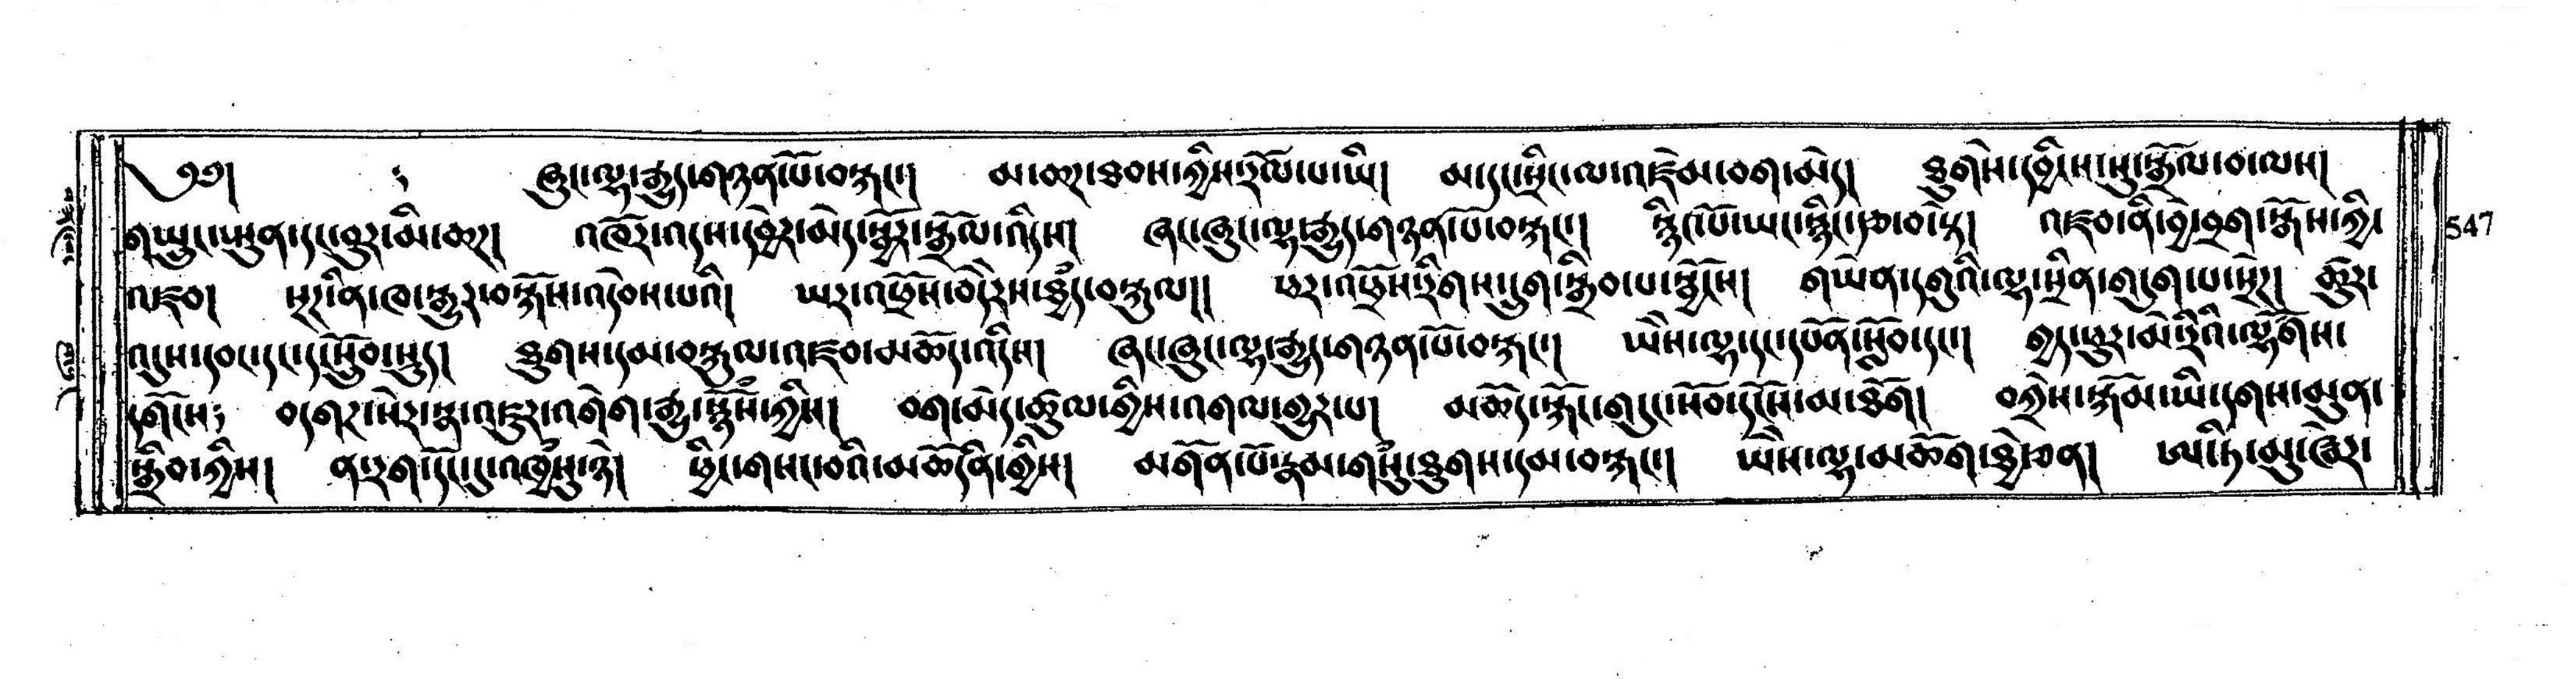ཞུང་ལྷ་རྒྱུད་གཉན་པོ་བསྐང་། མ་ཆགས་ཐབས་ཀྱིས་རོལ་པ་ཡི། མ་དང་སྲིང་ལ་འཛེམ་བག་མེད། ཐུགས་རྗེ་དབྱིངས་སུ་སྒྲོལ་བ་ལས། 
གཡུང་དྲུང་སྤུན་དང་བུར་མི་ཆགས། འཁོར་འདས་དབྱེར་མེད་སྦྱོར་སྒྲོལ་འདིས། ཞང་ཞུང་ལྷ་རྒྱུད་གཉེན་པོ་བསྐང་། སྙིང་པོ་ཡང་སྙིང་རྩ་བ་སྟེ། འཛབ་ནི་བྱེ་བྲག་སྒོས་ཀྱི་
འཛབ། སྔགས་ནི་ཁ་སྒྱུར་བསྐོས་འདེབས་པའི། ཡར་འཕྲོས་བདེར་གཤེགས་ཐུགས་དམ་བསྐུལ།། ཕར་འཕྲོས་རིགས་དྲུག་སྒྲིབ་པ་སྦྱོངས། གཡེན་དགུའི་ལྷ་སྲིན་གདུག་པ་སྲེགས། ཚུར་
འདུས་དབང་དང་དངོས་གྲུབ་སྡུད། ཐུགས་དམ་བརྒྱུད་བསྐུལ་འཛབ་མཆོད་འདིས། ཞང་ཞུང་ལྷ་རྒྱུད་གཉན་པོ་བསྐང་། ཡེ་ཤེས་ལྷ་དང་དཔོན་སློབ་དང་། གྱད་ཕུར་མེ་རིའི་ལྷ་ཚོགས་
དགོངས། བདག་ཆགས་སེར་སྣ་འཇུར་འགེག་རྒྱུ་སྙོམས་ཀྱིས། བག་མེད་ཚུལ་གྱིས་འགལ་གྱུར་པ། མཆོད་སྐོང་གདུང་སོབ་དངོས་མ་ཐོག བཀྲེས་སྐོམ་ཡི་དགས་མུན་
སྒྲིབ་ཀྱིས། ན་རག་དོང་དུ་འཁྱམས་སུ་ཉེ། ཕྱི་ནང་གསང་བའི་མཆོད་བྱིན་གྱིས། མགོན་པོ་རྣམ་གསུམ་ཐུགས་དམ་བསྐང་། ཡེ་ཤེས་ལྷ་མཆོག་ཐུགས་རྗེ་ཅན། ཨ་ཏི་མུ་ཝེར་